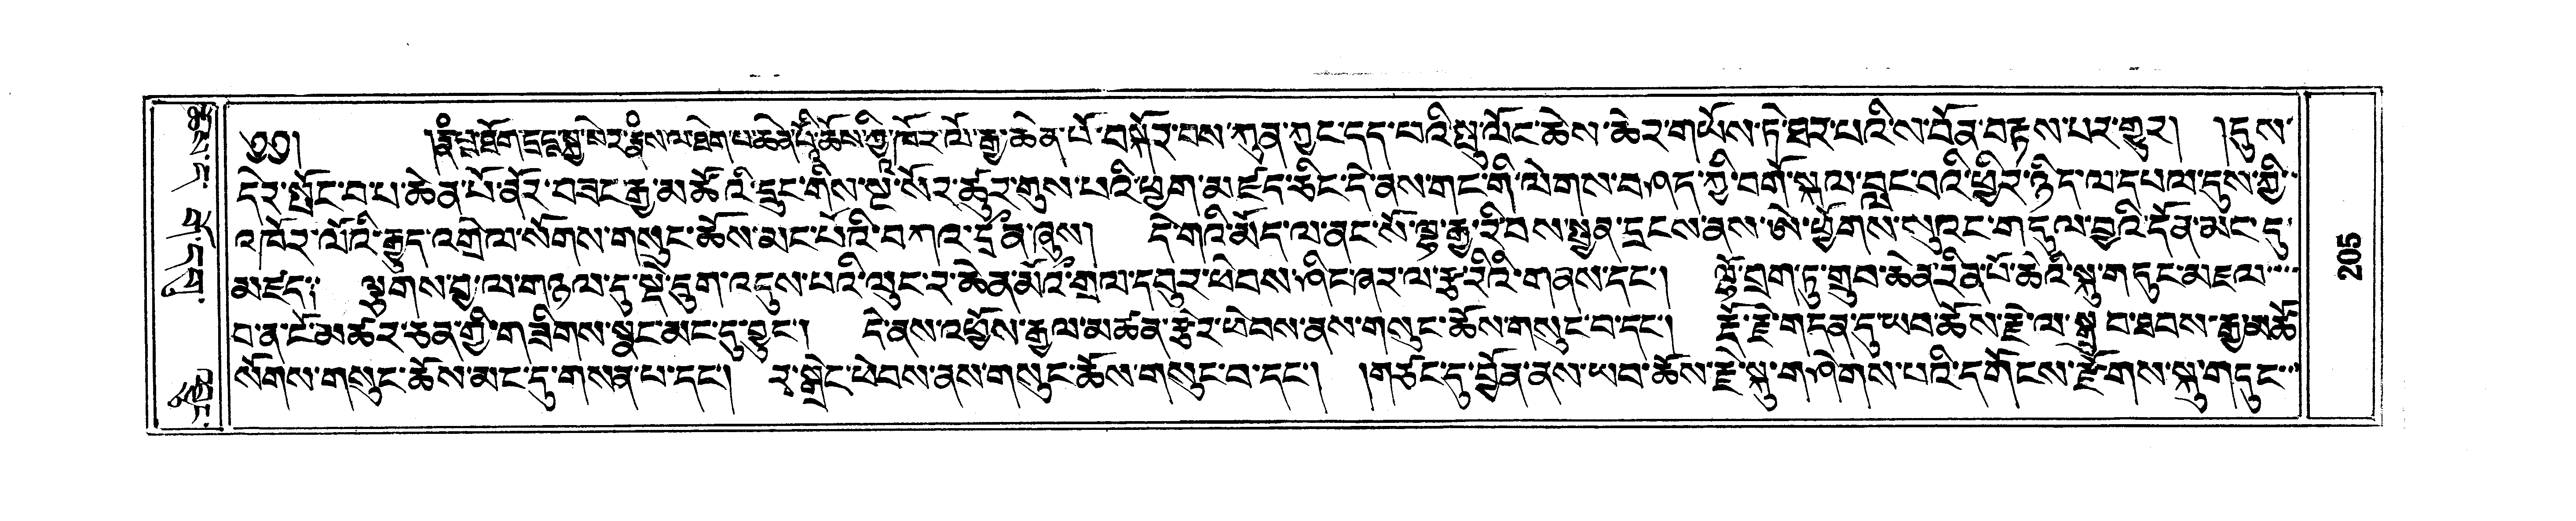༄༅། །རྣཾ་པས་ཐོག་དྲངས་སྐྱ་སེར་རྣཾས་ལ་ཐེག་པ་ཆེན་པོའི་ཆོས་ཀྱི་འཁོར་ལོ་རྒྱ་ཆེན་པོ་བསྐོར་བས་ཀུན་ཀྱང་དད་པའི་སྤུ་ལོང་ཆེས་ཆེར་གཡོས་ཏེ་ཐར་པའི་ས་བོན་བརྟས་པར་གྱུར། །དུས་
དེར་སྤོང་བ་པ་ཆེན་པོ་ནོར་བཟང་རྒྱ་མཚོའི་དྲུང་གིས་སྔ་སོར་ཚུར་གུས་པའི་ཕྱག་མཛད་ཅིང་དེ་ནས་གང་གི་ལེགས་བཤད་ཀྱི་བགོ་སྐལ་བླང་བའི་ཕྱིར་ཉིད་ལ་དཔལ་དུས་ཀྱི་
འཁོར་ལོའི་རྒྱུད་འགྲེལ་སོགས་གསུང་ཆོས་མང་པོའི་བཀའ་དྲྀན་ཞུས། དེ་གའི་མདོ་ལ་ནང་སོ་ལྷ་རྒྱ་རི་བས་སྤྱན་དྲངས་ནས་ཨེ་ཕྱོགས་སུའང་གདུལ་བྱའི་དོན་མང་དུ་
མཛད༑ ལྕགས་བྱ་ལ་གཉལ་དུ་སྡེ་དྲུག་འདུས་པའི་ལུང་ར་ཆེན་མོའི་གྲལ་དབུར་ཕེབས་ཤིང་ཞར་ལ་རྩ་རིའི་གནས་དང་། ལྷོ་བྲག་ཏུ་གྲུབ་ཆེན་རིན་པོ་ཆེའི་སྐུ་གདུང་མཇལ་
བ་ན་ངོ་མཚར་ཅན་གྱི་གཟིགས་སྣང་མང་དུ་བྱུང་། དེ་ནས་འཕྱོགས་རྒྱལ་མཚན་རྩེར་ཕེབས་ནས་གསུང་ཆོས་གསུང་བ་དང་། རྡོ་རྗེ་གདན་དུ་ཡབ་ཆོས་རྗེ་ལ་སྒྲུབ་ཐབས་རྒྱ་མཚོ་
སོགས་གསུང་ཆོས་མང་དུ་གསན་པ་དང་། རྭ་སྒྲེང་ཕེབས་ནས་གསུང་ཆོས་གསུང་བ་དང་། །གཙང་དུ་བྱོན་ནས་ཡབ་ཆོས་རྗེ་སྐུ་གཤེགས་པའི་དགོངས་རྫོགས་སྐུ་གདུང་